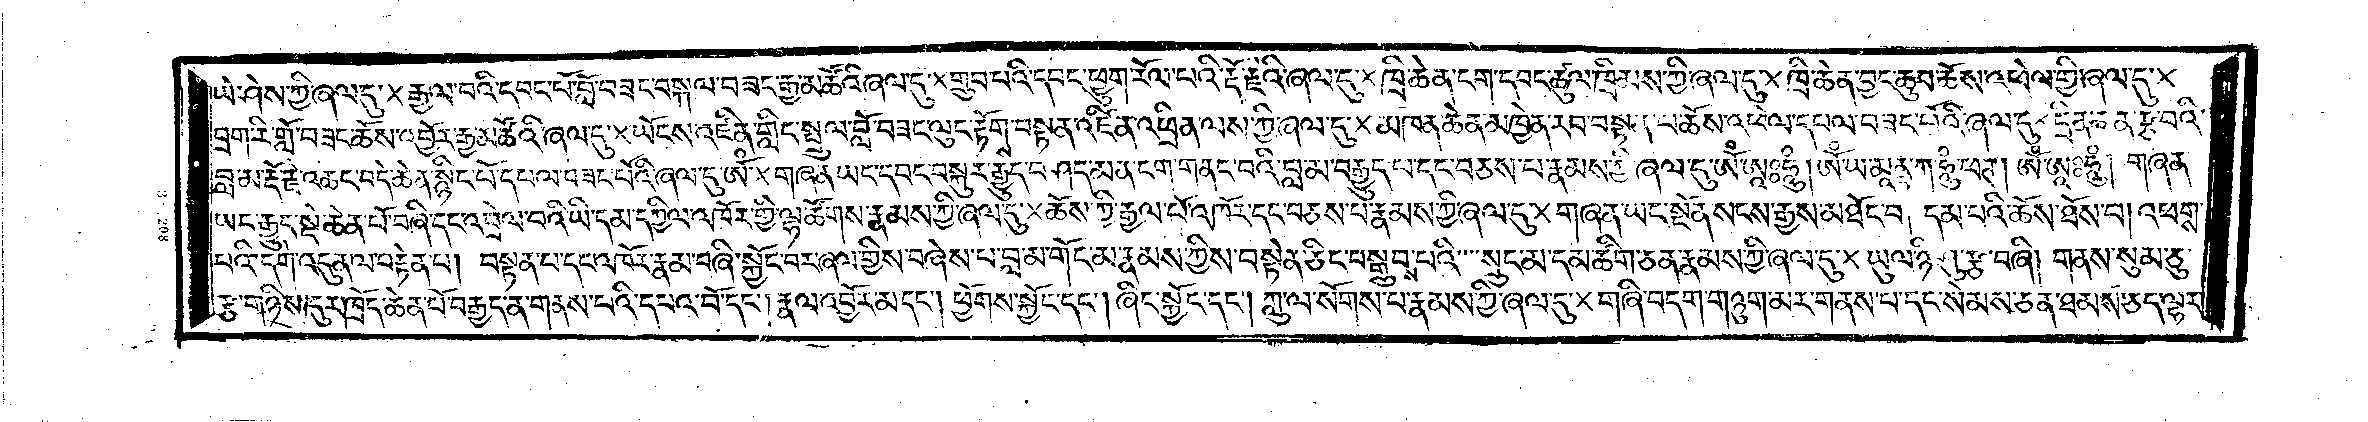ཡེ་ཤེས་ཀྱི་ཞལ་དུ་྾་རྒྱལ་བའི་དབང་པོ་བློ་བཟང་བསྐལ་བཟང་རྒྱ་མཚོའི་ཞལ་དུ་྾་གྲུབ་པའི་དབང་ཕྱུག་རོལ་པའི་རྡོ་རྗེའི་ཞལ་དུ་྾་ཁྲི་ཆེན་ངག་དབང་ཚུལ་ཁྲིམས་ཀྱི་ཞལ་དུ་྾་ཁྲི་ཆེན་བྱང་ཆུབ་ཆོས་འཕེལ་གྱི་ཞལ་དུ་྾་
བྲག་རི་གློ་བཟང་ཆོས་འབྱོར་རྒྱ་མཚོའི་ཞལ་དུ་྾་ཡོངས་འཛིན་གླིང་སྤྲུལ་བློ་བཟང་ལུང་རྟོག་བསྟན་འཛིན་འཕྲིན་ལས་ཀྱི་ཞལ་དུ་྾་མཁན་ཆེན་མཁྱེན་རབ་བསྟན་པ་ཆོས་འཕེལ་དཔལ་བཟང་པོའི་ཞལ་དུ་྾་དྲིན་ཆན་རྩ་བའི་
བླ་མ་རྡོ་རྗེ་འཆང་བདེ་ཆེན་སྙིང་པོ་དཔལ་བཟང་པོའི་ཞལ་དུ་ཨོཾ་྾་གཞན་ཡང་དབང་བསྐུར་རྒྱུད་བཤད་མན་ངག་གནང་བའི་བླ་མ་བརྒྱུད་པ་དང་བཅས་པ་རྣམས་ཀྱི་ཞལ་དུ་ཨོཾ་ཨཱཿ ཧཱུཾ། ཨོཾ་ཡ་མཱ་ནྟ་ཀ་ཧཱུཾ་ཕཊ། ཨོཾ་ཨཱཿཧཱུཾ། གཞན་
ཡང་རྒྱུད་སྡེ་ཆེན་པོ་བཞི་དང་འབྲེལ་བའི་ཡི་དམ་དཀྱིལ་འཁོར་གྱི་ལྷ་ཚོགས་རྣམས་ཀྱི་ཞལ་དུ་྾་ཆོས་ཀྱི་རྒྱལ་པོ་འཁོར་དང་བཅས་པ་རྣམས་ཀྱི་ཞལ་དུ་྾་གཞན་ཡང་སྔོན་སངས་རྒྱས་མཐོང་བ། དམ་པའི་ཆོས་ཐོས་བ། འཕགས་
པའི་དགེ་འདུན་ལ་བརྟེན་པ། བསྟན་པ་དང་འཁོར་རྣམ་བཞི་སྐྱོང་བར་ཞལ་གྱིས་བཞེས་པ་བླ་མ་གོང་མ་རྣམས་ཀྱིས་བསྟེན་ཅིང་བསྒྲུབས་པའི་སྲུང་མ་དམ་ཚིག་ཅན་རྣམས་ཀྱི་ཞལ་དུ་྾་ཡུལ་ཉི་ཤུ་རྩ་བཞི། གནས་སུམ་ཅུ་
རྩ་གཉིས། དུར་ཁྲོད་ཆེན་པོ་བརྒྱད་ན་གནས་པའི་དཔའ་བོ་དང་། རྣལ་འབྱོར་མ་དང་། ཕྱོགས་སྐྱོང་དང་། ཞིང་སྐྱོང་དང་། ཀླུ་ལ་སོགས་པ་རྣམས་ཀྱི་ཞལ་དུ་྾་གཞི་བདག་གཉུག་མར་གནས་པ་དང་སེམས་ཅན་ཐམས་ཅད་ལྷར་